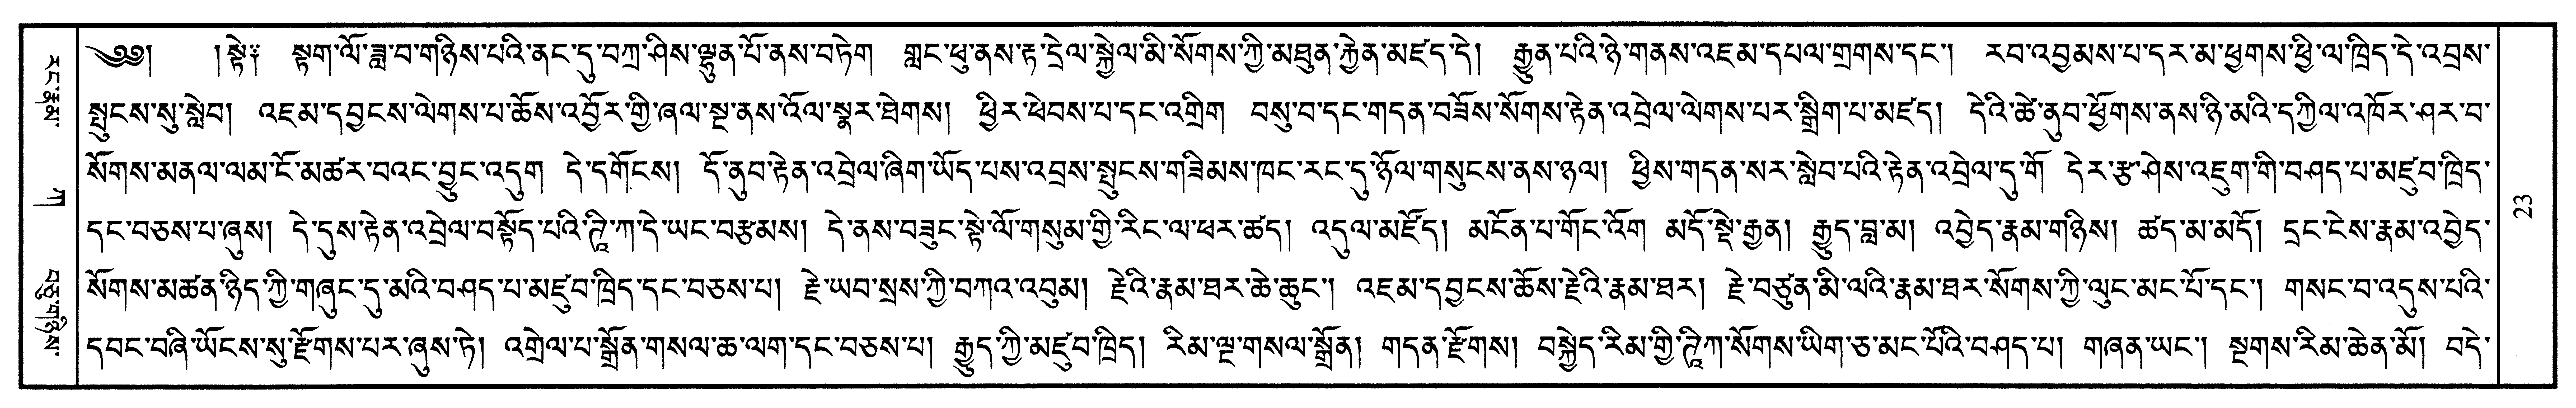༄༅། །སྟེ༑ སྟག་ལོ་ཟླ་བ་གཉིས་པའི་ནང་དུ་བཀྲ་ཤིས་ལྷུན་པོ་ནས་བཏེག །གླང་ཕུ་ནས་རྟ་དྲེལ་སྐྱེལ་མི་སོགས་ཀྱི་མཐུན་རྐྱེན་མཛད་དེ། རྒྱུན་པའི་ཉེ་གནས་འཇམ་དཔལ་གྲགས་དང་། རབ་འབྱམས་པ་དར་མ་ཕྱགས་ཕྱི་ལ་ཁྲིད་དེ་འབྲས་
སྤུངས་སུ་སླེབ། འཇམ་དབྱངས་ལེགས་པ་ཆོས་འབྱོར་གྱི་ཞལ་སྔ་ནས་འོལ་སྣར་ཐེགས། ཕྱིར་ཕེབས་པ་དང་འགྲིག །བསུ་བ་དང་གདན་བཟོས་སོགས་རྟེན་འབྲེལ་ལེགས་པར་སྒྲིག་པ་མཛད། དེའི་ཚེ་ནུབ་ཕྱོགས་ནས་ཉི་མའི་དཀྱིལ་འཁོར་ཤར་བ་
སོགས་མནལ་ལམ་ངོ་མཚར་བའང་བྱུང་འདུག་དེ་དགོངས། དོ་ནུབ་རྟེན་འབྲེལ་ཞིག་ཡོད་པས་འབྲས་སྤུངས་གཟིམས་ཁང་རང་དུ་ཉོལ་གསུངས་ནས་ཉལ། ཕྱིས་གདན་སར་སླེབ་པའི་རྟེན་འབྲེལ་དུ་གོ་དེར་རྩ་ཤེས་འཇུག་གི་བཤད་པ་མཛུབ་ཁྲིད་
དང་བཅས་པ་ཞུས། དེ་དུས་རྟེན་འབྲེལ་བསྟོད་པའི་ཊཱི་ཀ་དེ་ཡང་བརྩམས། དེ་ནས་བཟུང་སྟེ་ལོ་གསུམ་གྱི་རིང་ལ་ཕར་ཚད། འདུལ་མཛོད། མངོན་པ་གོང་འོག །མདོ་སྡེ་རྒྱན། རྒྱུད་བླ་མ། འབྱེད་རྣམ་གཉིས། ཚད་མ་མདོ། དྲང་ངེས་རྣམ་འབྱེད་
སོགས་མཚན་ཉིད་ཀྱི་གཞུང་དུ་མའི་བཤད་པ་མཛུབ་ཁྲིད་དང་བཅས་པ། རྗེ་ཡབ་སྲས་ཀྱི་བཀའ་འབུམ། རྗེའི་རྣམ་ཐར་ཆེ་ཆུང་། འཇམ་དབྱངས་ཆོས་རྗེའི་རྣམ་ཐར། རྗེ་བཙུན་མི་ལའི་རྣམ་ཐར་སོགས་ཀྱི་ལུང་མང་པོ་དང་། གསང་བ་འདུས་པའི་
དབང་བཞི་ཡོངས་སུ་རྫོགས་པར་ཞུས་ཏེ། འགྲེལ་པ་སྒྲོན་གསལ་ཆ་ལག་དང་བཅས་པ། རྒྱུད་ཀྱི་མཛུབ་ཁྲིད། རིམ་ལྔ་གསལ་སྒྲོན། གདན་རྫོགས། བསྐྱེད་རིམ་གྱི་ཊཱིཀ་སོགས་ཡིག་ཅ་མང་པོའི་བཤད་པ། གཞན་ཡང་། སྔགས་རིམ་ཆེན་མོ། བདེ་